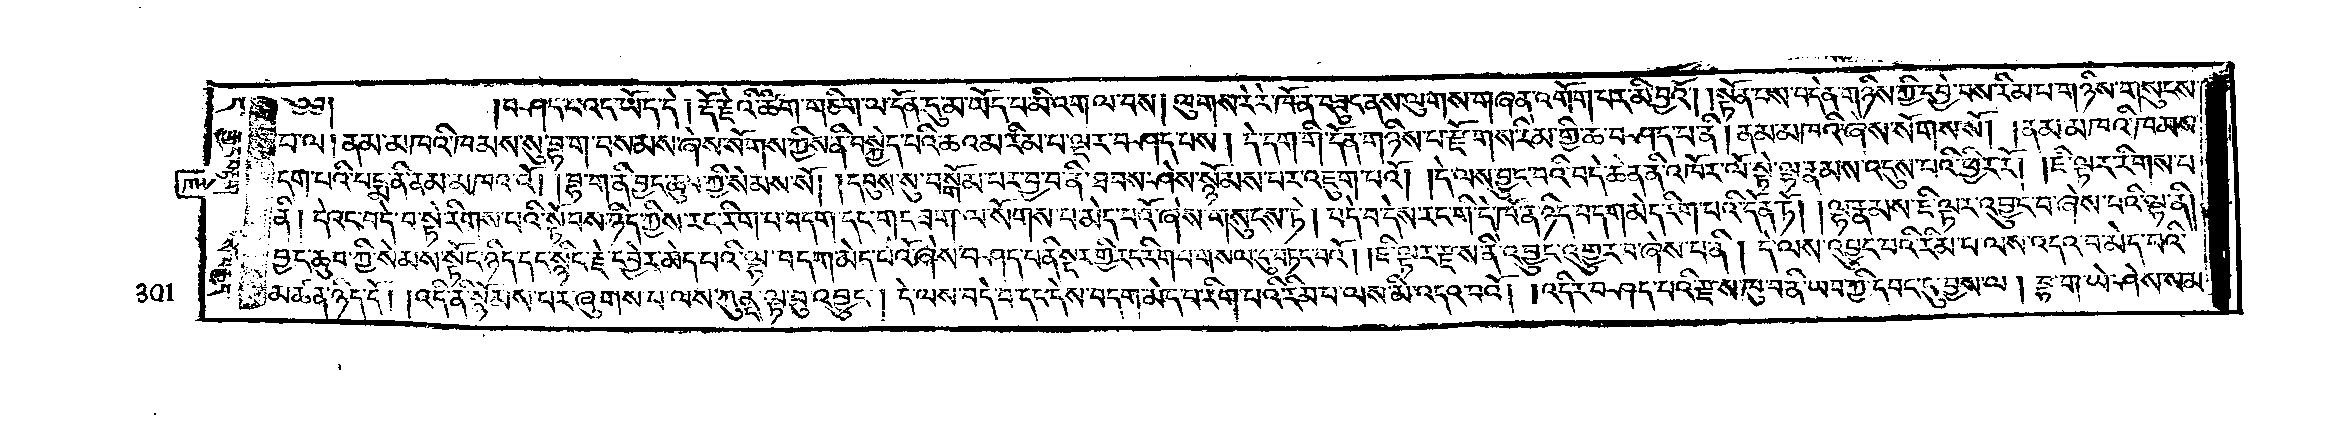༄༅། །བཤད་པའང་ཡོད་དེ། རྡོ་རྗེའི་ཚིག་གཅིག་ལ་དོན་དུ་མ་ཡོད་པ་མི་འགལ་བས། ལུགས་རེ་རེ་ཁོ་ན་བཟུང་ནས་ལུགས་གཞན་འགོག་པར་མི་བྱའོ། །སྟོན་པས་བདེན་གཉིས་ཀྱི་དབྱེ་བས་རིམ་པ་གཉིས་གསུངས་
པ་ལ། ནམ་མཁའི་ཁམས་སུ་བྷ་ག་བསམས་ཞེས་སོགས་ཀྱིས་ནི་བསྐྱེད་པའི་ཆའམ་རིམ་པ་ལྔར་བཤད་པས། དེ་དག་གི་དོན་གཉིས་པ་རྫོགས་རིམ་གྱི་ཆ་བཤད་པ་ནི། ནམ་མཁའི་ཞེས་སོགས་སོ། །ནམ་མཁའི་ཁམས་
དག་པའི་པདམ་ནི་ནམ་མཁའ་འོ། །བྷ་ག་ནི་བྱང་ཆུབ་ཀྱི་སེམས་སོ། །དབུས་སུ་བསྒོམ་པར་བྱ་བ་ནི་ཐབས་ཤེས་སྙོམས་པར་འཇུག་པའོ། །དེ་ལས་བྱུང་བའི་བདེ་ཆེན་ནི་འཁོར་ལོ་སྟེ་ལྷ་རྣམས་འདུས་པའི་ཕྱིར་རོ། །ཇི་ལྟར་རིགས་པ་
ནི། དེའང་བདེ་བ་སྟེ་རིགས་པའི་སྟོབས་ཉིད་ཀྱིས་རང་རིག་པ་བདག་དང་གང་ཟག་ལ་སོགས་པ་མེད་པའོ་ཞེས་གསུངས་ཏེ། བདེ་བ་དེས་རང་གི་དེ་ཁོ་ན་ཉིད་བདག་མེད་རིག་པའི་དོན་ཏོ། །ལྷ་རྣམས་ཇི་ལྟར་འབྱུང་བ་ཞེས་པའི་ལྷ་ནི།
བྱང་ཆུབ་ཀྱི་སེམས་སྟོང་ཉིད་དང་སྙིང་རྗེ་དབྱེར་མེད་པའི་ལྷ་བདག་མེད་པའོ་ཞེས་བཤད་པ་ནི་སྔར་གྱི་རང་རིག་པ་གསལ་དུ་བཏང་བའོ། །ཇི་ལྟར་རྫས་ནི་འབྱུང་འགྱུར་བ་ཞེས་པ་ནི། དེ་ལས་འབྱུང་བའི་རིམ་པ་ལས་འདའ་བ་མེད་པའི་
མཚན་ཉིད་དོ། །འདི་ནི་སྙོམས་པར་ཞུགས་པ་ལས་ཀུནྡ་ལྟ་བུ་འབྱུང་། དེ་ལས་བདེ་བ་དང་དེས་བདག་མེད་པ་རིག་པའི་རིམ་པ་ལས་མི་འདའ་བའོ། །འདིར་བཤད་པའི་རྫས་ཁུ་བ་ནི་ཡབ་ཀྱི་དབང་དུ་བྱས་ལ། བྷ་ག་ཡེ་ཤེས་སམ་